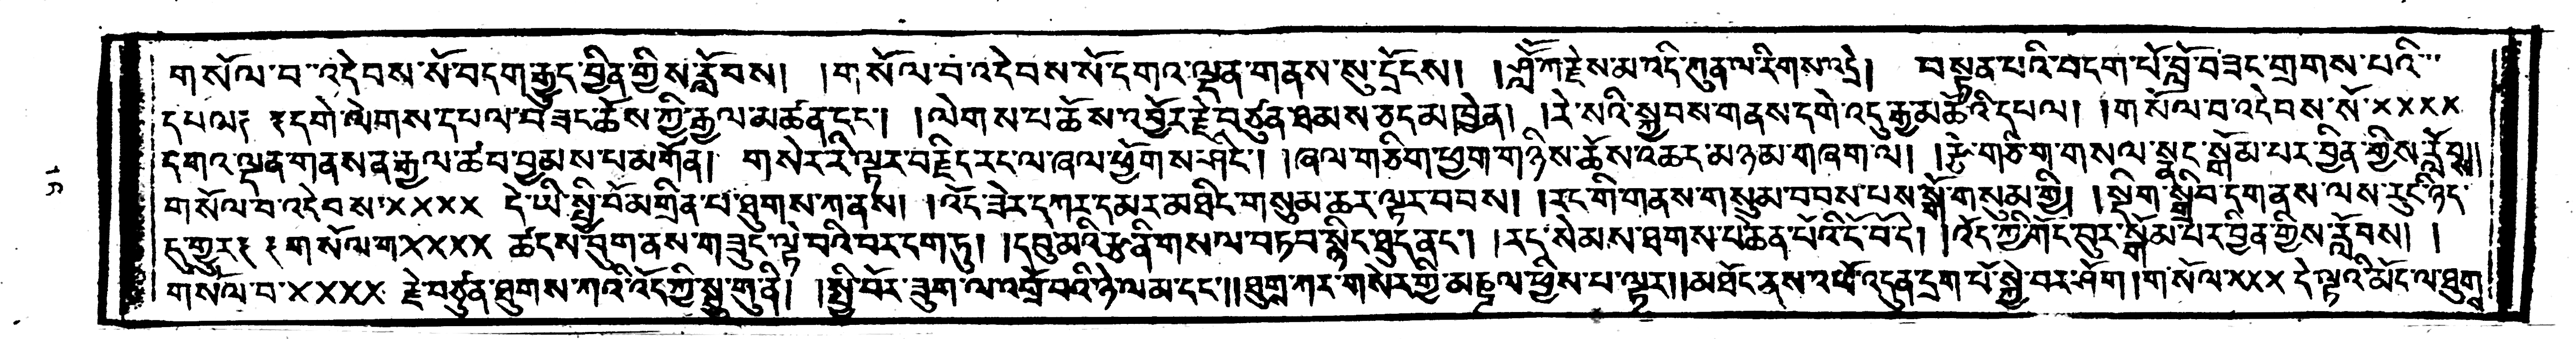གསོལ་བ་འདེབས་སོ་བདག་རྒྱུད་བྱིན་གྱིས་རློབས། །གསོལ་བ་འདེབས་སོ་དགའ་ལྡན་གནས་སུ་དྲོངས། །ཤླཽ་ཀ་རྗེས་མ་འདི་ཀུན་ལ་རིགས་འདྲེ། བསྟན་པའི་བདག་པོ་བློ་བཟང་གྲགས་པའི་
དཔལ༑ ༑དགེ་ལེགས་དཔལ་བཟང་ཆོས་ཀྱི་རྒྱལ་མཚན་དང་། །ལེགས་པ་ཆོས་འབྱོར་རྗེ་བཙུན་ཐམས་ཅད་མཁྱེན། །རེ་སའི་སྐྱབས་གནས་དགེ་འདུ་རྒྱ་མཚོའི་དཔལ། །གསོལ་བ་འདེབས་སོ་྾་྾་྾་྾་
དགའ་ལྡན་གནས་ན་རྒྱལ་ཚབ་བྱམས་པ་མགོན། གསེར་རི་ལྟར་བརྗིད་རང་ལ་ཞལ་ཕྱོགས་ཤིང་། །ཞལ་གཅིག་ཕྱག་གཉིས་ཆོས་འཆང་མཉམ་གཞག་ལ། །རྩེ་གཅིག་གསལ་སྣང་སྒོམ་པར་བྱིན་གྱིས་རློབས། །
གསོལ་བ་འདེབས་྾་྾་྾་྾་དེ་ཡི་སྤྱི་བོ་མགྲིན་པ་ཐུགས་ཀ་ནས། །འོད་ཟེར་དཀར་དམར་མཐིང་གསུམ་ཆར་ལྟར་བབས། །རང་གི་གནས་གསུམ་བབས་པས་སྒོ་གསུམ་གྱི། །སྡིག་སྒྲིབ་དག་ནས་ལས་རུང་ཉིད་
དུ་གྱུར༑ ༑གསོལ་ག་྾་྾་྾་྾་ཚངས་བུག་ནས་གཟུང་ལྟེ་བའི་བར་ངག་ཏུ། །དབུ་མའི་རྩ་ནི་གསལ་བཏབ་སྙིང་ཐུད་ནང་། །རང་སེམས་ཐགས་པ་ཆེན་པོའི་ངོ་བོ་དེ། །འོད་ཀྱི་གོང་བུར་སྒོམ་པར་བྱིན་གྱིས་རློབས། །
གསོལ་བ་྾་྾་྾་྾་རྗེ་བཙུན་ཐུགས་ཀའི་འོད་ཀྱི་སྦུ་གུ་ནི། །སྤྱི་བོར་ཟུག་ལ་འགྲོ་བའི་ཉེ་ལམ་དང་། །ཐུགས་ཀར་གསེར་གྱི་མཎྜལ་ཕྱིས་པ་ལྟར། །མཐོང་ནས་འཕོ་འདུན་དྲག་པོ་སྐྱེ་བར་ཤོག །གསོལ་྾་྾་྾་དེ་ལྟའི་མོང་ལ་ཐུགས་